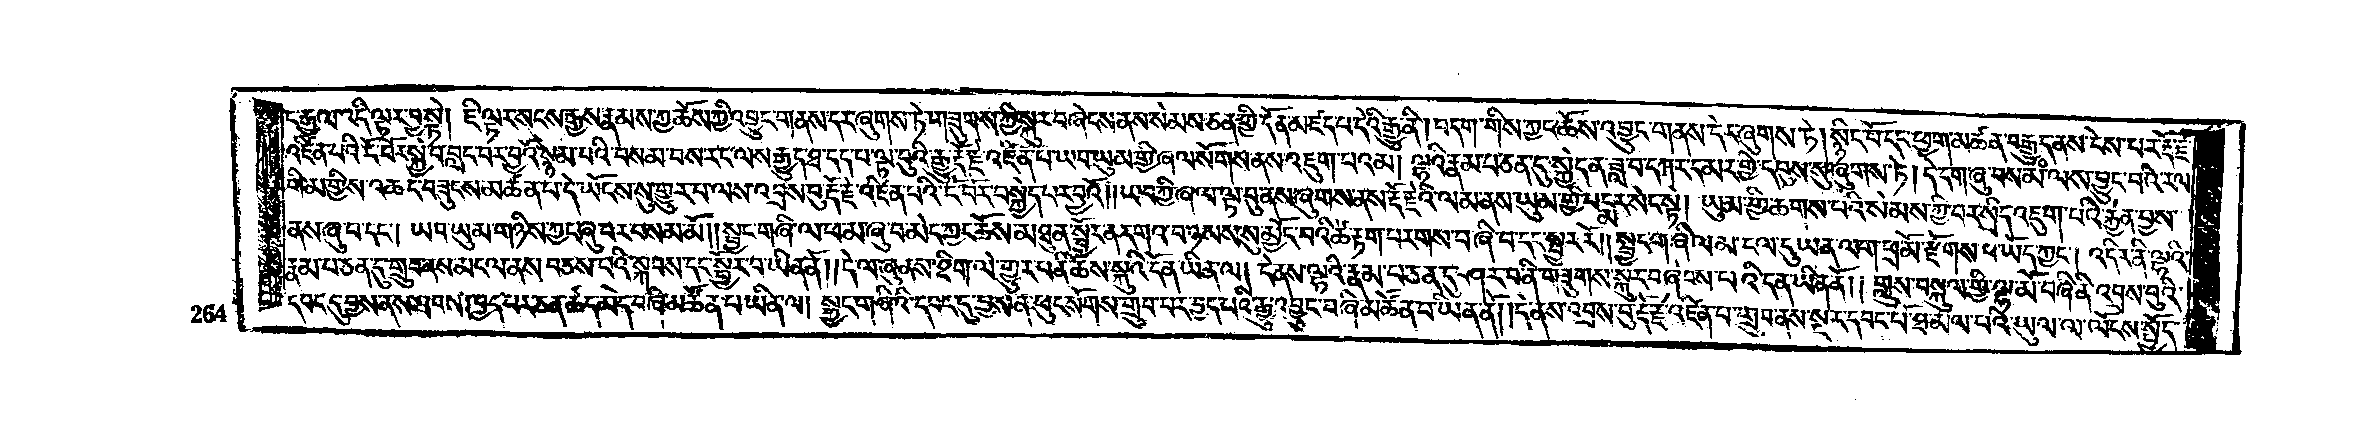ང་རྒྱལ་འདི་ལྟར་བྱ་སྟེ། ཇི་ལྟར་སངས་རྒྱས་རྣམས་ཀྱི་ཆོས་ཀྱི་འབྱུང་གནས་དར་ཞུགས་ཏེ་གཟུགས་ཀྱི་སྐུར་བཞེངས་ནས་སེམས་ཅན་གྱི་དོན་མཛད་པ་དེའི་རྒྱུ་ནི། བདག་གིས་ཀྱང་ཆོས་འབྱུང་གནས་དེར་ཞུགས་ཏེ། སྙིང་པོ་དང་ཕྱག་མཚན་བརྒྱུད་ནས་ངེས་པར་རྡོ་རྗེ་
འཛིན་པའི་ངོ་བོར་སྐྱེ་བ་བླང་བར་བྱའོ་སྙམ་པའི་བསམ་པས་རང་ལས་རྒྱུད་ཐ་དད་པ་ལྟ་བུའི་རྒྱུ་རྡོ་རྗེ་འཛིན་པ་ཡབ་ཡུམ་གྱི་ཞལ་སོགས་ནས་འཇུག་པའམ། ལྷའི་རྣམ་པ་ཅན་དུ་སྐྱེད་ན་ཟླ་བ་དཀར་དམར་གྱི་དབུས་སུ་ཞུགས་ཏེ། དེ་དག་ཞུ་བས་མཾ་ལས་བྱུང་བའི་རལ་
གྲི་མ་གྱིས་འཆང་བཟུངས་མཚན་པ་དེ་ཡོངས་སུ་གྱུར་པ་ལས་འབྲས་བུ་རྡོ་རྗེ་འཛིན་པའི་ངོ་བོར་བསྐྱེད་པར་བྱའོ། །ཡབ་ཀྱི་ཞལ་ལྟ་བུ་ནས་ཞུགས་ནས་རྡོ་རྗེའི་ལམ་ནས་ཡུམ་གྱི་པདམར་སེང་སྟེ། ཡུམ་གྱི་ཆགས་པའི་སེམས་ཀྱི་བར་སྲིད་འཇུག་པའི་རྐྱེན་བྱས་
ནས་ཞུ་བ་དང་། ཡབ་ཡུམ་གཉིས་ཀྱང་ཞུ་བར་བསམ་མོ། །སྦྱང་གཞི་ལ་ཕ་མ་ཞུ་བ་མེད་ཀྱང་ཆོས་མཐུན་སྦྱོར་ན་དགའ་བ་ཉམས་སུ་མྱོང་བའི་ཚེ་རྟག་པར་རགས?་བཞི་བ་དང་སྦྱར་རོ། །སྦྱང་གཞི་ལམ་ངལ་དུ་ཡན་ལག་ཕྲ་མོ་རྫོགས་པ་ཡོད་ཀྱང་། འདིར་ནི་ལྷའི་
རྣམ་པ་ཅན་དུ་གྲུབ་ནས་མངལ་ནས་བཅས་པའི་སྐབས་དང་སྦྱོར་བ་ཡིན་ནོ། །དེ་ལ་ཞུ་ནས་ཐིག་ལེ་གྱུར་པ་ནི་ཆོས་སྐུའི་དོན་ཡིན་ལ། དེ་ནས་ལྷའི་རྣམ་པ་ཅན་དུ་ཤར་བ་ནི་གཟུགས་སྐུར་བཞེགས་པའི་དོན་ཡིན་ནོ། །གླུས་བསྐུལ་གྱི་ལྷ་མོ་བཞི་ནི་འབྲས་བུའི་
དབང་དུ་བྱས་ནས་ཐབས་ཁྱད་པར་ཅན་ཚད་མེད་བཞི་མཚོན་པ་ཡིན་ལ། སྐྱང་གཞིའི་དབང་དུ་བྱས་ན་ཕུང་སོགས་གྲུབ་པར་བྱད་པའི་རྒྱུ་འབྱུང་བཞི་མཚོན་པ་ཡིན་ནོ། །དེ་ནས་འབྲས་བུ་རྡོ་རྗེ་འཛིན་པ་གྲུབ་ནས་སྔར་དབང་པོ་ཐ་མལ་པའི་ཡུལ་ལ་ལོངས་སྤྱོད་